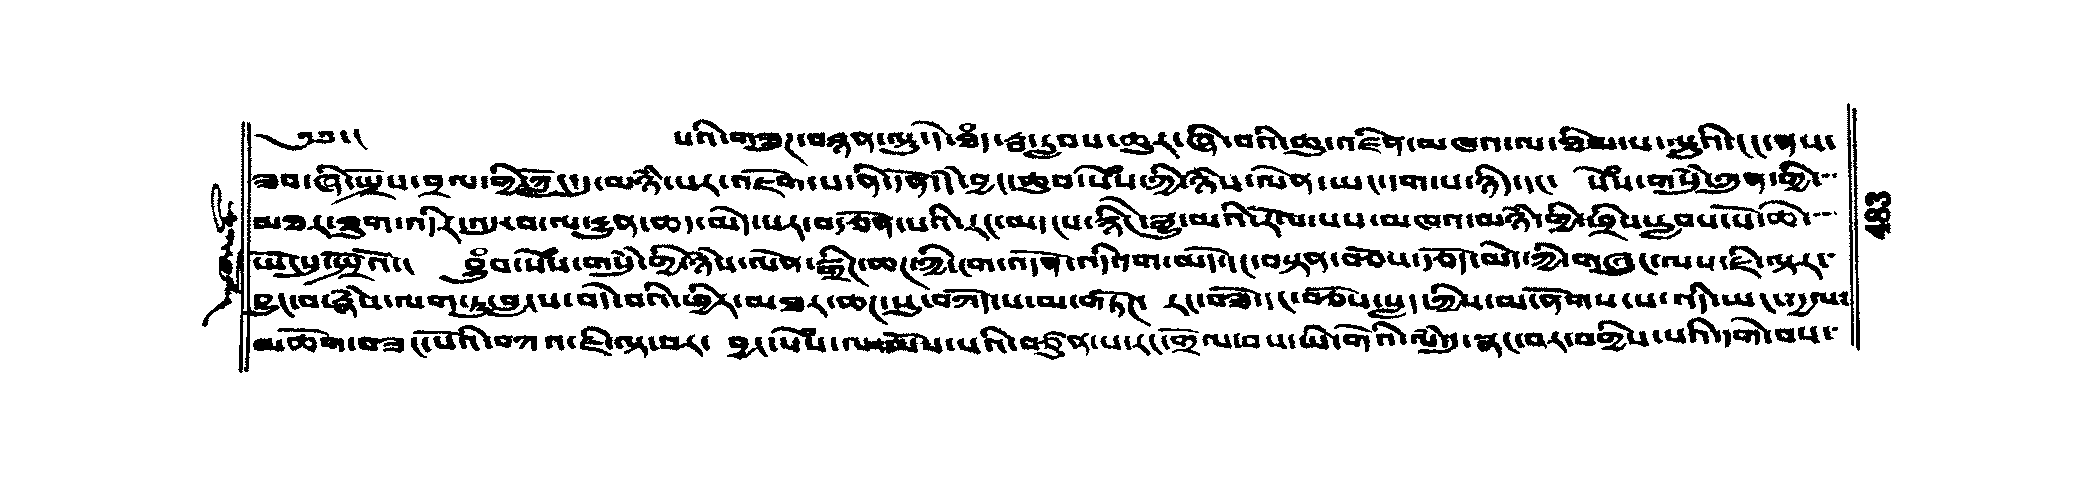པའི་གཟུགས་བརྙན་དེ་ཐམས་ཅད་རྦ་རླབས་ཆུར་ཞི་བའི་ཆུ་འཛིན་མཁའ་ལ་ཐིམ་པ་ལྟ་བུའི་ངང་ནས་
ཟབ་ཞི་སྤྲོས་བྲལ་གྱི་ཀློང་དུ་མཉམ་པར་འཇོག་པ་ནི་དོན་དམ་བྱང་ཆུབ་སེམས་ཀྱི་ཉམས་ལེན་ཡང་དག་པ་ཉིད་དང་། སེམས་གསུམ་ཀུན་གྱི་
མཐར་ཐུག་འདིར་འདུ་བ་ལ་རྒྱུན་ཆད་མེད་པར་བརྩོན་པའི་རང་མདངས་སྙིང་རྗེ་སྒྱུ་མའི་རོལ་པས་མཁའ་མཉམ་གྱི་ཕྲིན་ལས་རླབས་པོ་ཆེ་
ཡོངས་སུ་སྤྲོའོ། བྱང་ཆུབ་སེམས་གསུམ་གྱི་ཉམས་ལེན་སྒྲིབ་ཆགས་ཀྱི་ངག་འདོན་འདི་དག་མདོ་དང་བསྟན་བཅོས་རྩོད་མེད་ཀྱི་གཞུང་ལས་ཇི་ལྟར་
བྱུང་བ་རྣམས་ལག་ཏུ་བླངས་བདེ་བའི་ཕྱིར་མཐར་ཆགས་སུ་བཀོད་པ་མ་གཏོགས། རང་བཟོ་དང་བཅོས་སླད་ཀྱིས་མ་སླད་ཀྱིས་མ་ནོགས་པ་འདི་ཡང་རྒྱལ་
མཆོག་བཟང་པོའི་བཀའ་ཇི་ལྟ་བར། བྱང་སེམས་ལ་མོས་པའི་བཙུན་པ་རང་གྲོལ་བས་ཡི་གེའི་ལམ་དུ་སྣང་བར་བགྱིས་པའི་དགེ་བས་